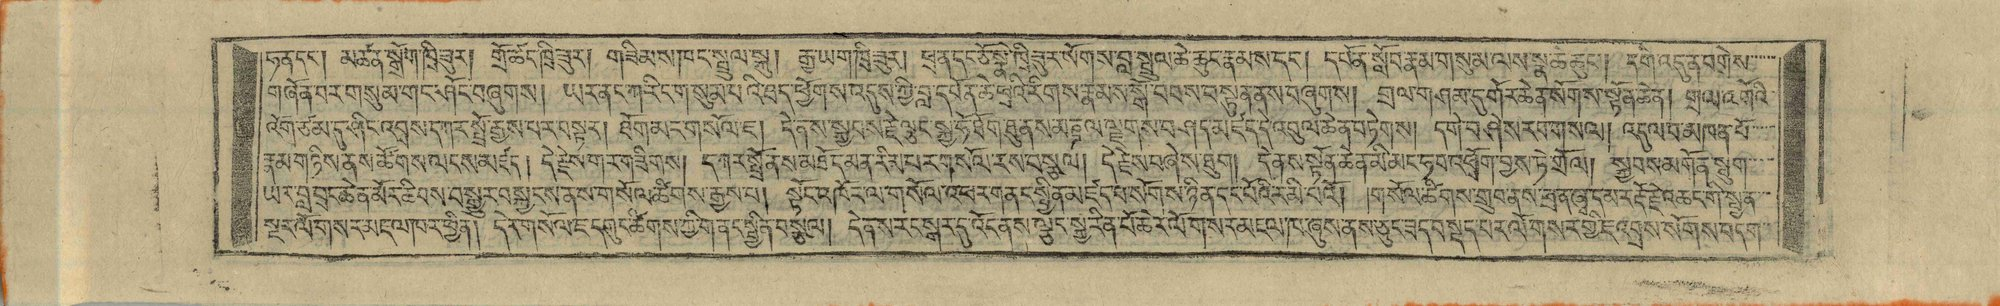ཧན་དང་། མཚན་སྒྲོག་ཁྲི་ཟུར། གྲོ་ཚང་ཁྲི་ཟུར། གཟིམས་ཁང་སྤྲུལ་སྐུ། རྒྱ་ཡག་ཁྲི་ཟུར། ཕྲན་དང་ཅོ་སྣེ་ཁྲི་ཟུར་སོགས་བླ་སྤྲུལ་ཆེ་ཆུང་རྣམས་དང་། དཔོན་སློབ་རྣམ་གསུམ་ལས་སྣ་ཆེ་ཆུང་། དགེ་འདུན་བགྲེས་
གཞོན་བར་གསུམ་གང་ཤོང་བཞུགས། ཡར་ནང་ཀ་རིང་གསུམ་པའི་ཐད་ཕྱོགས་འདུས་ཀྱི་བླ་དཔོན་ཆེ་ཕྲའི་རིགས་རྣམས་སྒོ་བབས་བསྟུན་ནས་བཞུགས། གྲལ་གཤམ་དུ་གོར་ཆེན་སོགས་སྟོན་ཆེན། གྲལ་འགོའི་
འོག་ཙམ་དུ་ཤིང་འབྲས་དཀར་སྤྲོ་རྒྱས་པར་བསྟར། ཐོག་མར་གསོལ་ཇ། དེ་ནས་སྐྱབས་རྗེ་ལྕང་སྐྱ་ཧོ་ཐོག་ཐུན་ས་མཎྜལ་ལྗགས་བཤད་མཛད་དེ་འབུལ་ཆེན་བཏེགས། དགེ་བཤེས་རབ་གསལ། འདུལ་བ་མཁན་པོ་
རྣམ་གཉིས་ནས་ཚོགས་ལངས་མཛད། དེ་རྗེས་གར་གཟིགས། དཀར་སྤྲོ་ན་ས་མཐོ་དམན་རིམ་པར་གསོལ་རས་བསྩལ། དེ་རྗེས་བཞེས་ཐུག །དེ་ནས་ཏོན་ཆེན་མི་མང་ཧ་བ་འཕྲོག་བྱས་ཏེ་གྲོལ། སྐྱབས་མགོན་སྤུག་
ཡར་བླ་བྲང་ཆེན་མོར་ཆིབས་བསྒྱུར་བསྐྱངས་ནས་གསོལ་ཚིགས་རྒྱས་པ། སྟོང་འཁོར་ལ་གསོལ་འཕར་གནང་སྤྱིན་མཛད་པ་སོགས་ཉིན་དང་པོའི་རིམ་པའོ། །གསོལ་ཚིགས་གྲུབ་ནས་ཕྲན་ཞྭ་དམར་རྡོ་རྗེ་འཆང་གི་སྤྱན་
སྔར་ལོ་གསར་མཇལ་ཁར་ཕྱིན། དེར་གསོལ་ཇ་དགུང་ཚིགས་ཀྱི་གནང་སྦྱིན་བསྩལ། དེ་ནས་རང་སྒར་དུ་འོང་ནས་ལྕང་སྐྱ་རིན་པོ་ཆེར་ལོ་གསར་མཇལ་ཁ་ཞུས་ནས་ཅུང་ཟད་བསྡད་པར་ལོ་གསར་གྱི་ཇ་འབྲས་སོགས་བདག་